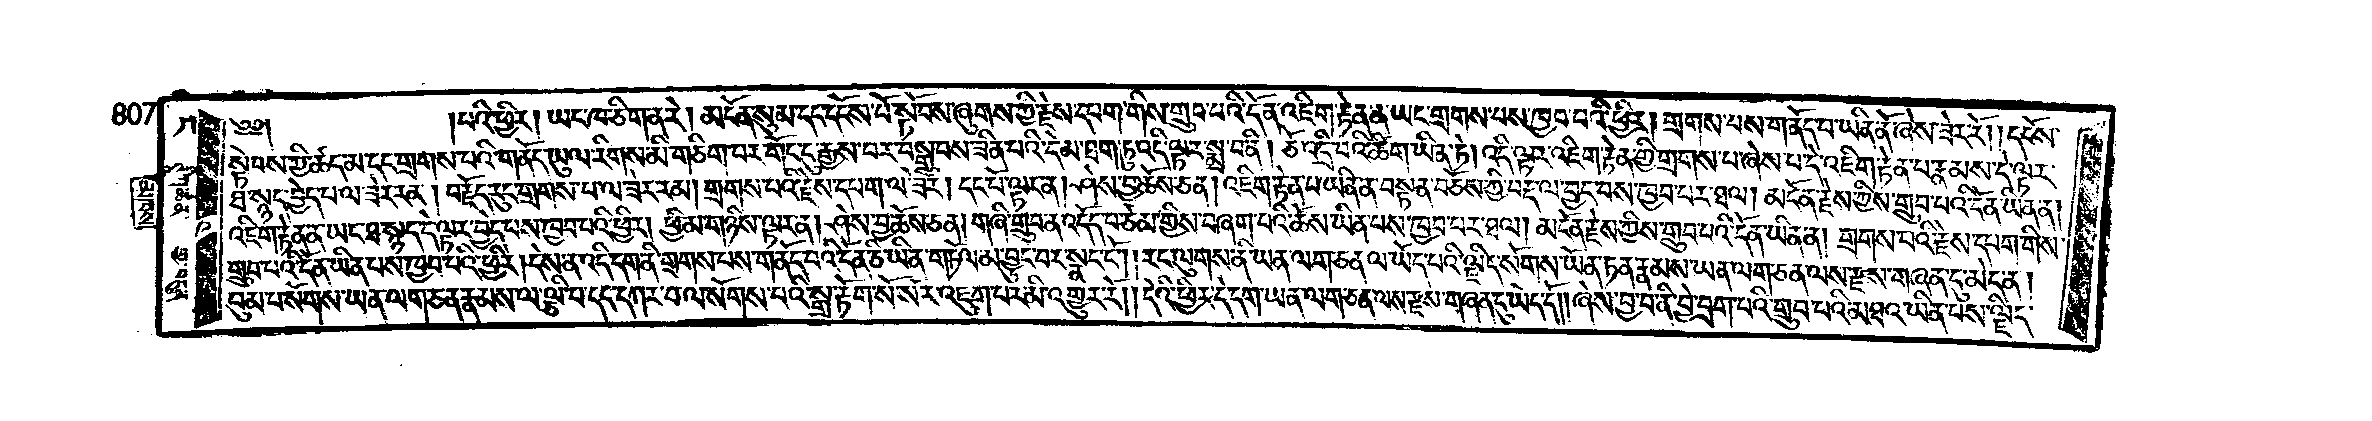༄༅། །པའི་ཕྱིར། ཡང་ཁ་ཅིག་ན་རེ། མངོན་སུམ་དང་དངོས་པོ་སྟོབས་ཞུགས་ཀྱི་རྗེས་དཔག་གིས་གྲུབ་པའི་དོན་འཇིག་རྟེན་ན་ཡང་གྲགས་པས་ཁྱབ་པའི་ཕྱིར། གྲགས་པས་གནོད་པ་ཡིན་ནོ་ཞེས་ཟེར་རོ། །དངོས་
སྟོབས་ཀྱི་ཚད་མ་དང་གྲགས་པའི་གནོད་ཡུལ་རིགས་མི་གཅིག་པར་གོང་དུ་རྒྱས་པར་བསྒྲུབས་ཟིན་པའི་དེ་མ་ཐག་ཏུ་འདི་ལྟར་སྨྲ་བ་ནི། ཅོ་འདྲི་བའི་ཚིག་ཡིན་ཏེ། འདི་ལྟར་འཇིག་རྟེན་གྱི་གྲགས་པ་ཞེས་པ་དེ་འཇིག་རྟེན་པ་རྣམས་དེ་ལྟར་
ཐ་སྙད་བྱེད་པ་ལ་ཟེར་རམ། བརྗོད་རུང་གྲགས་པ་ལ་ཟེར་རམ། གྲགས་པའི་རྗེས་དཔག་ལ་ཟེར། དང་པོ་ལྟར་ན། ཤེས་བྱ་ཆོས་ཅན། འཇིག་རྟེན་པ་ཡིན་ན་བསྟན་བཅོས་ཀྱི་བརྡ་ལ་བྱང་བས་ཁྱབ་པར་ཐལ། མངོན་རྗེས་ཀྱིས་གྲུབ་པའི་དོན་ཡིན་ན།
འཇིག་རྟེན་ན་ཡང་ཐ་སྙད་དེ་ལྟར་བྱེད་པས་ཁྱབ་པའི་ཕྱིར། ཕྱི་མ་གཉིས་ལྟར་ན། ཤེས་བྱ་ཆོས་ཅན། གཞི་གྲུབ་ན་འདོད་པ་ཙམ་གྱིས་བཞག་པའི་ཆོས་ཡིན་པས་ཁྱབ་པར་ཐལ། མངོན་རྗེས་ཀྱིས་གྲུབ་པའི་དོན་ཡིན་ན། གྲགས་པའི་རྗེས་དཔག་གིས་
གྲུབ་པའི་དོན་ཡིན་པས་ཁྱབ་པའི་ཕྱིར། དེས་ན་འདི་དག་ནི་གྲགས་པས་གནོད་པའི་དོན་ཅི་ཡིན་གཏོལ་མ་བྱུང་བར་སྣང་ངོ། །རང་ལུགས་ནི་ཡན་ལག་ཅན་ལ་ཡོད་པའི་ལྗིད་སོགས་ཡོན་ཏན་རྣམས་ཡན་ལག་ཅན་ལས་རྫས་གཞན་དུ་མེད་ན།
བུམ་པ་སོགས་ཡན་ལག་ཅན་རྣམས་ལ་ལྕི་བ་དང་དཀར་བ་ལ་སོགས་པའི་སྒྲ་རྟོག་སོ་སོར་འཇུག་པར་མི་འགྱུར་རོ། །དེའི་ཕྱིར་དེ་དག་ཡན་ལག་ཅན་ལས་རྫས་གཞན་དུ་ཡོད་དོ། །ཞེས་བྱ་བ་ནི་བྱེ་བྲག་པའི་གྲུབ་པའི་མཐའ་ཡིན་པས་ལྗིད་